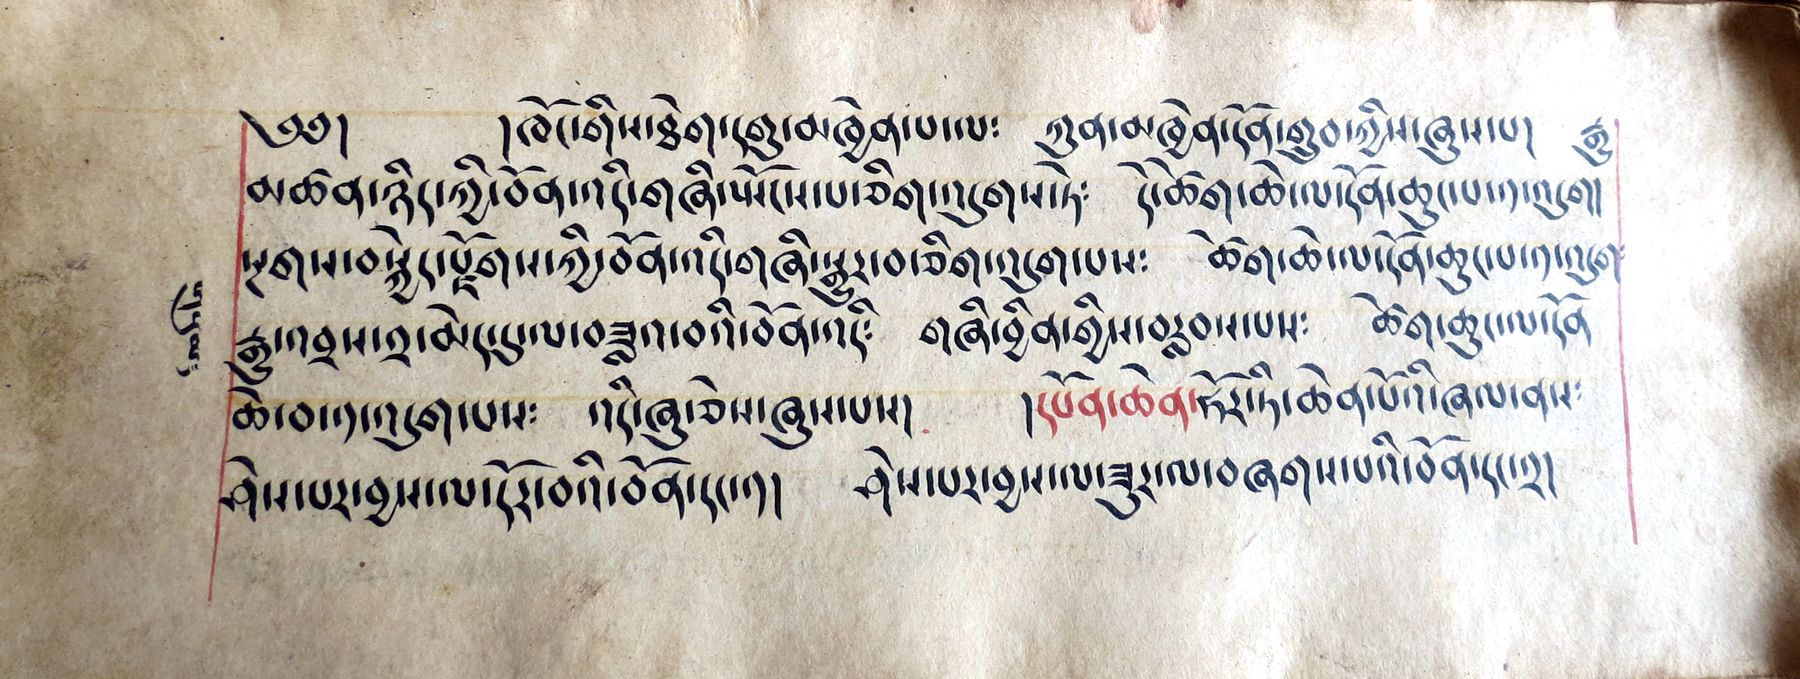ཁོང་གིས་ཐེག་དགུ་མཁྱེན་པ་ལ། ཀུན་མཁྱེན་དོན་གྲུབ་ཀྱིས་ཞུས་པ། རྒྱུ་
མཚན་ཉིད་ཀྱི་བོན་འདི། གཞི་སྤོང་བ་ཞིག་འདུག་སྟེ། དེ་ཚེགས་ཆེ་ལ་དོན་ཆུང་བ་ཅིག་འདུག 
སྔགས་བསྐྱེད་རྫོགས་ཀྱི་བོན་འདི། གཞི་བསྒྱུར་བ་ཞིག་འདུག་པས། ཚེགས་ཆེ་ལ་དོན་ཆུང་བ་ཅིག་འདུག 
རྒྱུ་འབྲས་གཉིས་མེད་དུ་ལ་བཟླ་བའི་བོན་འདི། གཞི་བྱིན་གྱིས་བརླབས་པས། ཚེགས་ཆུང་ལ་དོན་
ཆེ་བ་ཅིག་འདུག་པས། འདི་ཞུ་ཅེས་ཞུས་པས། དཔོན་ཆེན་ཧོར་ཏི་ཆེན་པོའི་ཞལ་ནས། 
ཤེས་པར་བྱས་ལ་དོར་བའི་བོན་དང་གཅིག ཤེས་པར་བྱས་ལ་ཟུར་ལ་བཞག་པའི་བོན་དང་གཉིས།